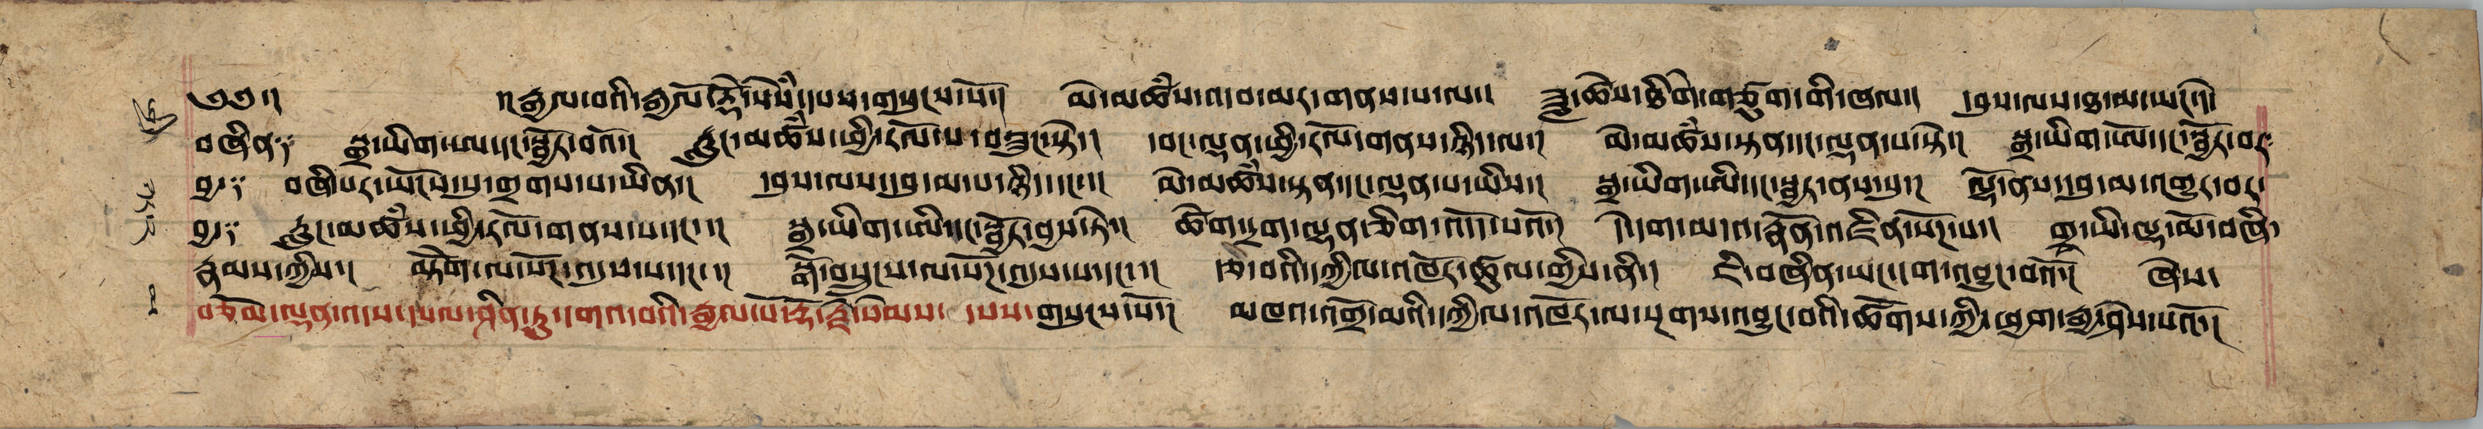༄༅་། ་།རྒྱལ་བའི་རྒྱལ་པོ་རྡོེ་སེམས་དཔས་གསུངས་སོ་། མེ་མཚཾས་འདབ་མར་གནས་པ་ལ་། ཟླ་ཚེས་ཐིགེ་གཙུག་གི་ཞལ་། དབུས་ལས་ཐ་མ་ཡང་དེ་
བཞིན༑ སྒྲ་ཡིག་ཨ་དང་སྦྱོར་བའོ་། རླུང་མཚཾས་ཕྱི་རོལ་པ་བཟུང་སྟེ་། དབང་ལྡན་ཕྱི་རོལ་གནས་ཉིད་ལ་། མེ་མཚཾས་སྟན་དང་ལྡན་པ་སྟེ་། སྒྲ་ཡིག་ཨོ་དང་སྦྱོར་བར་
བྱ༑ བཞི་པར་ཡོངས་སུ་གྲགས་པ་ཡིན་། དབུས་ལས་དབུ་མ་པ་ཉིད་དང་་། མེ་མཚཾས་སྟན་དང་ལྡན་པ་ཡིས་། སྒྲ་ཡིག་ཨི་དང་སྦྱར་ནས་སུ་། ལྷོ་ནས་དབུ་མ་འགྱུར་བར་
བྱ༑ རླུང་མཚཾས་ཕྱི་རོལ་གནས་པ་དང་་། སྒྲ་ཡིག་ཨི་དང་སྦྱོར་བྱས་ཏེ་། ཚེག་དྲག་ལྡན་ཅིག་འདོད་པའོ་། དེ་དག་མདའ་རྣོན་འཛིན་སོཌ་པ་། གྲྭ་ཡི་ལྷ་མོ་བཞི་
རྣམས་ཀྱིས་། མྟེོག་ལ་སོཌ་འདུས་པ་དང་་། སྒོ་བསྲུངས་ལ་སོཌ་འདུས་པ་དང་་། རྩ་བའི་དཀྱིལ་འཁོར་ཚུལ་གྱིས་ནི་། ཇི་བཞིན་ཡང་དག་འབྱུང་བའོ་། ཞེས་
བཅོམ་ལྡན་འདས་དཔལ་ཤིན་ཏུ་དགའ་བའི་རྒྱལ་པོ་རྡོ་རྗེ་སེམས་ དཔས་གསུངས་སོ་། མཁའ་འགྲོ་མའི་དཀྱིལ་འཁོར་ལ་སྔགས་འབྱུང་བའི་ཚོགས་ཀྱི་ཕྱག་རྒྱ་ཤེས་པའོ་།